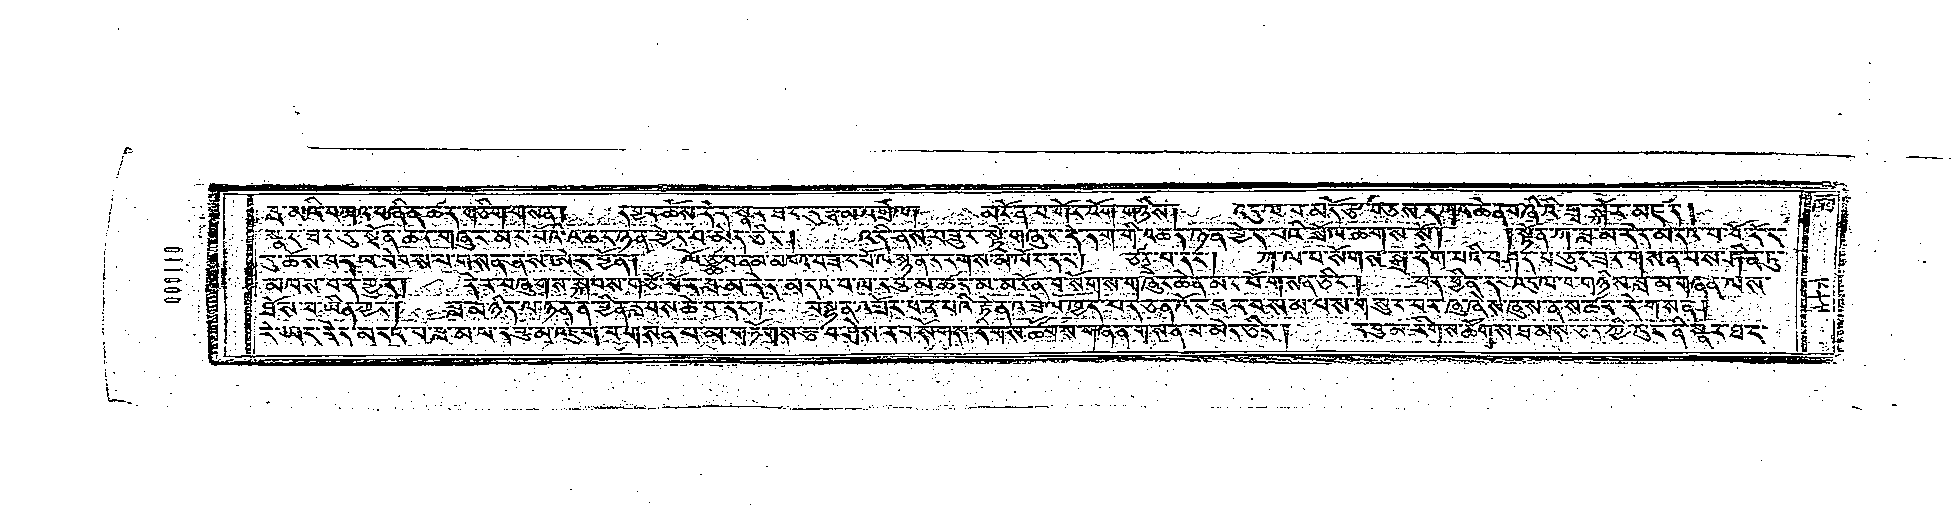བླ་མའི་བཀའ་བཞིན་ཚར་གཅིག་གསན། དབྱར་ཆོས་དེར་སྣར་ཐང་དུ་རྣམ་འགྲེལ། མངོན་པ་གོང་འོག་གཉིས། འདུལ་བ་མདོ་རྩ་བཅས་དཀའ་ཆེན་བཞིའི་གྲྭ་སྐོར་མཛད།
སྣད་ཐང་དུ་སྔོན་ཆང་གཞུང་མང་པོའི་འཆང་ཉན་བྱེད་པ་མེད་ཅིང་། འདི་ནས་བཟུང་སྟེ་གཞུང་དེ་དག་གི་འཆད་ཉན་བྱེད་པའི་སྲོལ་ཆགས་སོ། །སྟོན་ཀ་བླ་མ་རེད་མངའ་བ་བོ་དོད་
དུ་ཆོས་བར་ལ་བེབས་པ་གསན་ནས་ཨེར་བྱོན། ལོ་ཙྪ་བ་ནམ་མཁའ་བཟང་པོ་ལ་སྙན་དངགས་མེ་ལོང་དང་། ཙནྡྲ་པ་དང་། ཀ་ལ་པ་སོགས་སྒྲ་རིག་པའི་བཤད་པ་ཅུང་ཟད་གསན་པས་ཤིན་ཏུ་
མཁས་པར་གྱུར། དེར་བཞུགས་སྐབས་གཙོ་བོར་བླ་མ་རེར་མདའ་པ་ལ་དབུ་མ་ཚད་མ་མངོན་པ་སོགས་གཞུང་ཆེན་མང་པོ་གསན་ཅིང་། ཕར་ཕྱིན་དང་འདུལ་བ་གཉིས་བླ་མ་གཞན་ལས་
ཐོས་པ་ཡིན་ཀྱང་། བླ་མ་ཉིད་ལ་ཉན་ན་བྱིན་རླབས་ཆེ་བ་དང་། བསྟན་འགྲོར་ཕན་པའི་རྟེན་འབྲེལ་ཁྱད་པར་ཅན་འོང་བར་བསམ་པས་གསུང་བར་ཞུ་ཞེས་ཞུས་ནས་ཚར་རེ་གསན།
རེ་ཡང་རེད་མངའ་བ་བླ་མ་ལ་དབུ་མ་འཇུག་པ་གསན་པ་མ་གཏོགས་རྩ་བ་ཤེས་རབ་སོགས་རིགས་ཚོགས་གཞན་གསན་པ་མེད་ཅིང་། དབུ་མ་རིགས་ཚོགས་ཐམས་ཅད་ཀྱི་ལུང་ནི་སྣར་ཐང་